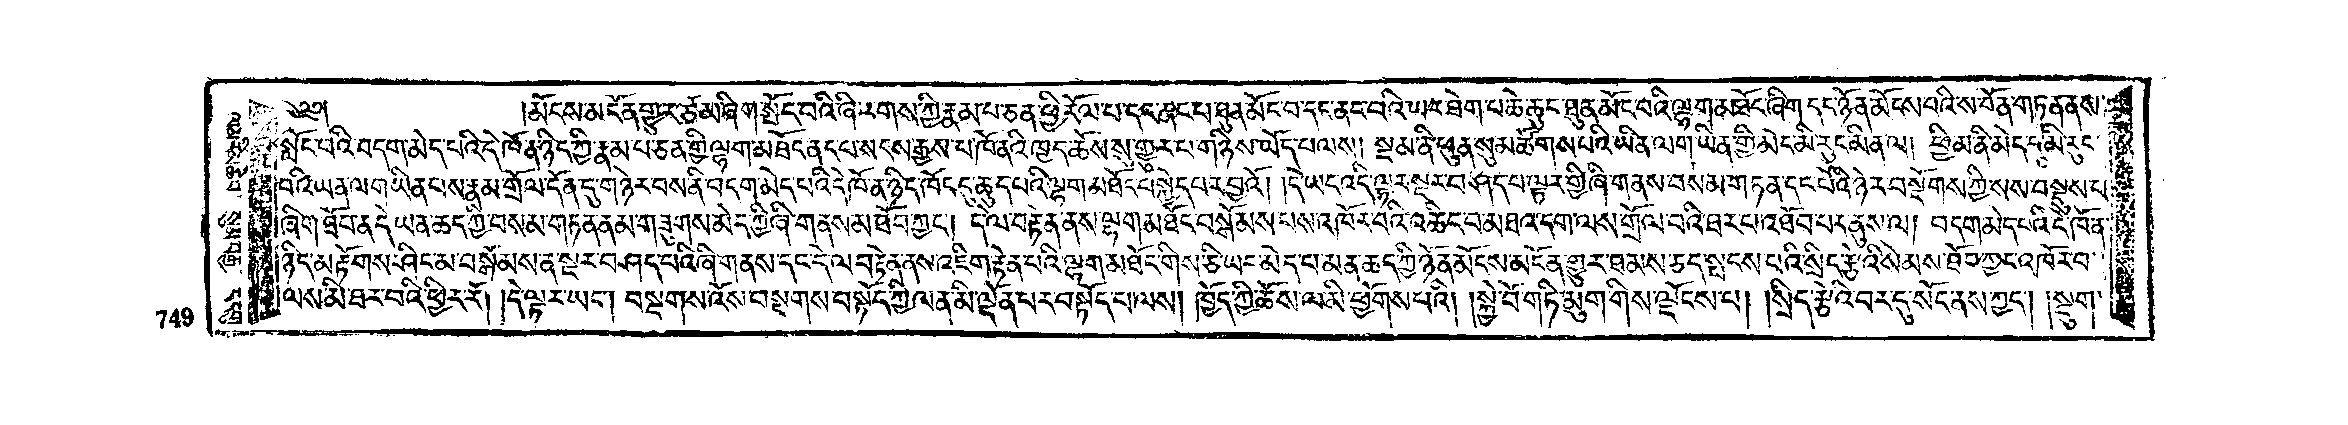༄༅། །མོངས་མངོན་གྱུར་ཙམ་ཞིག་སྤོང་བའི་ཞི་རགས་ཀྱི་རྣམ་པ་ཅན་ཕྱི་རོལ་པ་དང་ནང་པ་ཐུན་མོང་བ་དང་ནང་པའི་ཡང་ཐེག་པ་ཆེ་ཆུང་ཐུན་མོང་བའི་ལྷག་མཐོང་ཞིག་དང་ཉོན་མོངས་པའི་ས་བོན་གཏན་ནས་
སྤོང་བའི་བདག་མེད་པའི་དེ་ཁོ་ན་ཉིད་ཀྱི་རྣམ་པ་ཅན་གྱི་ལྷག་མཐོང་ནང་པ་སངས་རྒྱས་པ་ཁོ་ནའི་ཁྱད་ཆོས་སུ་གྱུར་པ་གཉིས་ཡོད་པ་ལས། སྔ་མ་ནི་ཕུན་སུམ་ཚོགས་པའི་ཡན་ལག་ཡིན་གྱི་མེད་མི་རུང་མིན་ལ། ཕྱི་མ་ནི་མེད་དུ་མི་རུང་
བའི་ཡན་ལག་ཡིན་པས་རྣམ་གྲོལ་དོན་དུ་གཉེར་བས་ནི་བདག་མེད་པའི་དེ་ཁོ་ན་ཉིད་ཁོང་དུ་ཆུད་པའི་ལྷག་མཐོང་བསྐྱེད་པར་བྱའོ། །དེ་ཡང་འདི་ལྟར་སྔར་བཤད་པ་ལྟར་གྱི་ཞི་གནས་བསམ་གཏན་དང་པོའི་ཉེར་བསྡོགས་ཀྱི་སས་བསྡུས་པ་
ཞིག་ཐོབ་ན་དེ་ཡན་ཆད་ཀྱི་བསམ་གཏན་ནམ་གཟུགས་མེད་ཀྱི་ཞི་གནས་མ་ཐོབ་ཀྱང་། དེ་ལ་བརྟེན་ནས་ལྷག་མཐོང་བསྒོམས་པས་འཁོར་བའི་འཆིང་བ་མཐའ་དག་ལས་གྲོལ་བའི་ཐར་པ་འཐོབ་པར་ནུས་ལ། བདག་མེད་པའི་དེ་ཁོ་ན་
ཉིད་མ་རྟོགས་ཤིང་མ་བསྒོམས་ན་སྔར་བཤད་པའི་ཞི་གནས་དང་དེ་ལ་བརྟེན་ནས་འཇིག་རྟེན་པའི་ལྷག་མཐོང་གིས་ཅི་ཡང་མེད་པ་མན་ཆད་ཀྱི་ཉོན་མོངས་མངོན་གྱུར་ཐམས་ཅད་སྤངས་པའི་སྲིད་རྩེའི་སེམས་ཐོབ་ཀྱང་འཁོར་བ་
ལས་མི་ཐར་བའི་ཕྱིར་རོ། །དེ་ལྟར་ཡང་། བསྔགས་འོས་བསྔགས་བསྟོད་ཀྱི་ལན་མི་ལྡོན་པར་བསྟོད་པ་ལས། ཁྱོད་ཀྱི་ཆོས་ལ་མི་ཕྱོགས་པའི། །སྐྱེ་བོ་གཏི་མུག་གིས་ལྡོངས་པ། །སྲིད་རྩེའི་བར་དུ་སོང་ནས་ཀྱང་། །སྡུག་